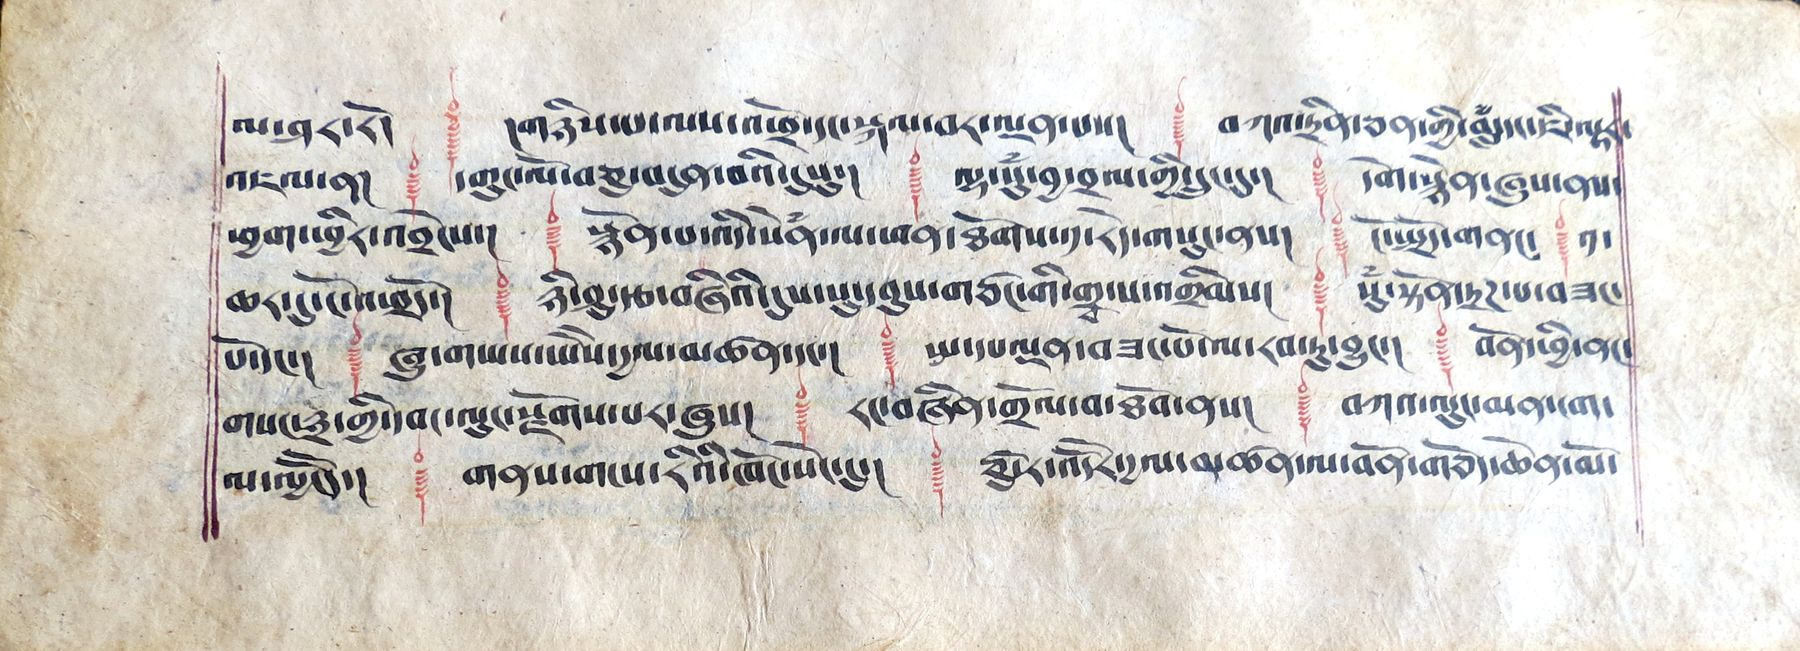ལ་ཤར་རོ། ། གཉིས་པ་ལས་འཕྲོ་དང་སྐལ་པར་ལྡན་པས། བཀའ་དྲིན་ཅན་གྱི་བླ་མ་དང་ཇི་ལྟར་
མཇལ་ན། དགུང་ལོ་བཅུ་བདུན་པའི་དུས་སུ། ལྷ་སུམ་བྱ་བྲལ་གྱི་དྲུང་དུ། དགེ་བསྙེན་ཞུས་ནས་
ཆགས་ཕྱིར་འབྲིང་། སྨྱོན་པ་འདི་སེམས་ཅན་ལ་ཕན་ཐོག་པ་ཞིག་རེད་གསུངས་ནས། ངོ་སྤྲོད་གནང་། གཅིག་
ཆར་དུ་ངོ་འཕྲོད། ཉི་ཤུ་རྩ་བཞིའི་དུས་སུ་དབུས་གཙང་གྲྭ་ས་འགྲིམས། སུམ་སྟོན་གྲགས་པ་བཟང་
པོ་དང་། ཞུ་གཡས་ཡེ་ཤེས་རྒྱལ་མཚན་དང་། སྤ་དཔལ་ལྡན་བཟང་པོ་ལ་རབ་ཏུ་བྱུང་། བོན་ཕྱི་ནང་
གསང་གསུམ་གྱི་དབང་ལུང་རྫོགས་པར་ཞུས། རང་བཞིན་གྲོལ་བ་ཐོབ་ནས་བཀའ་ལུང་མན་ངག་
ལ་ལོངས་སྤྱོད། གནས་གངས་རིའི་ཁོང་སེང་དུ། ཙུ་ར་འོད་ཟེར་རྒྱལ་མཚན་ལ་བོན་གཅོད་ཆེན་མོ་